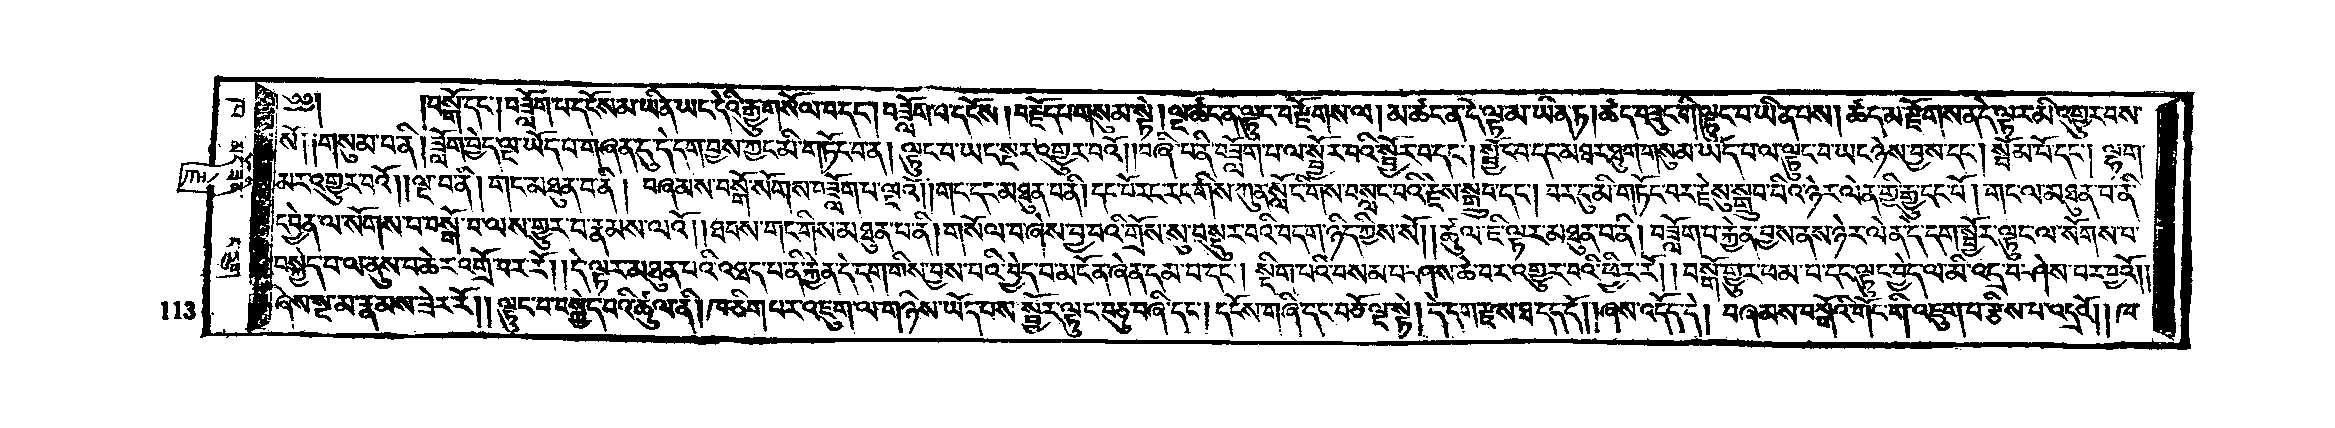༄༅། །བསྒོ་དང་། བཟློག་པ་དངོས་མ་ཡིན་ཡང་དེའི་རྒྱུ་གསོལ་བ་དང་། བཟློག་པ་དངོས། བརྗོད་པ་གསུམ་སྟེ། ལྔ་ཚང་ན་ལྟུང་བ་རྫོགས་ལ། མ་ཆེད་ན་དེ་ལྟ་མ་ཡིན་ཏེ། ཚད་བཟུང་གི་ལྟུང་བ་ཡིན་པས། ཚད་མ་རྫོགས་ན་དེ་ལྟར་མི་འགྱུར་བས་
སོ། །གསུམ་པ་ནི། ཟློག་བྱེད་ལྔ་ཡོད་པ་གཞན་དུ་དེ་དག་བྱས་ཀྱང་མི་གཏོང་བ་ན། ལྟུང་བ་ཡང་སྔར་འགྱུར་བའོ། །བཞི་པ་ནི་བཟློག་པ་ལ་སྦྱོར་བའི་སྦྱོར་བ་དང་། སྦྱོར་བ་དང་མཐར་ཐུག་གསུམ་ཡོད་པ་ལ་ལྟུང་བ་ཡང་ཉེས་བྱས་དང་། སྦོམ་པོ་དང་། ལྷག་
མར་འགྱུར་བའོ། །ལྔ་པ་ནི། གང་མཐུན་པ་ནི། བཞམས་བསྒོ་སོགས་བཟློག་པ་ལྔའོ། །གང་དང་མཐུན་པ་ནི། དང་པོ་རང་རང་གིས་ཀུན་སློང་གིས་བསླང་བའི་རྗེས་སྒྲུབ་དང་། བར་དུ་མི་གཏོང་བར་རྗེས་སུ་སྒྲུབ་པའི་ཉེར་ལེན་གྱི་རྒྱུ་དང་པོ། གང་ལ་མཐུན་པ་ནི་
དབྱེན་ལ་སོགས་པ་བསྒོ་བ་ལས་གྱུར་པ་རྣམས་ལའོ། །ཐབས་གང་གིས་མཐུན་པ་ནི། གསོལ་བ་ཞེས་བྱ་བའི་གྲོས་སུ་བསྡུར་བའི་བདག་ཉིད་ཀྱིས་སོ། །ཚུལ་ཇི་ལྟར་མཐུན་པ་ནི། བཟློག་པ་རྐྱེན་བྱས་ནས་ཉེར་ལེན་དེ་དག་སྦྱོར་ལྟུང་ལ་སོགས་པ་
བསྐྱེད་པ་ལ་ནུས་པ་ཆེར་འགྲོ་བར་རོ། །དེ་ལྟར་མཐུན་པའི་འཐད་པ་ནི་རྐྱེན་དེ་དག་གིས་བྱས་པའི་བྱེད་པ་མངོན་ཞེན་དམ་པ་དང་། སྡིག་པའི་བསམ་པ་ཤས་ཆེ་བར་འགྱུར་བའི་ཕྱིར་རོ། །བསྒོ་གྱུར་ཕམ་པ་དང་ལྟུང་བྱེད་ལ་མི་འདྲ་བ་ཤེས་པར་བྱའོ། །
ཞེས་སྔ་མ་རྣམས་ཟེར་རོ། །ལྟུང་བ་བསྐྱེད་པའི་ཚུལ་ནི། ཁ་ཅིག་པར་འཇུག་ལ་གཉིས་ཡོད་པས་སྦྱོར་ལྟུང་བཅུ་བཞི་དང་། དངོས་གཞི་དང་བཅོ་ལྔ་སྟེ། དེ་དག་རྫས་ཐ་དད་དོ། །ཞེས་འདོད་དེ། བཞམས་བསྒོའི་གོང་གི་འཇུག་པ་རྩིས་པ་འདྲའོ། །ཁ་